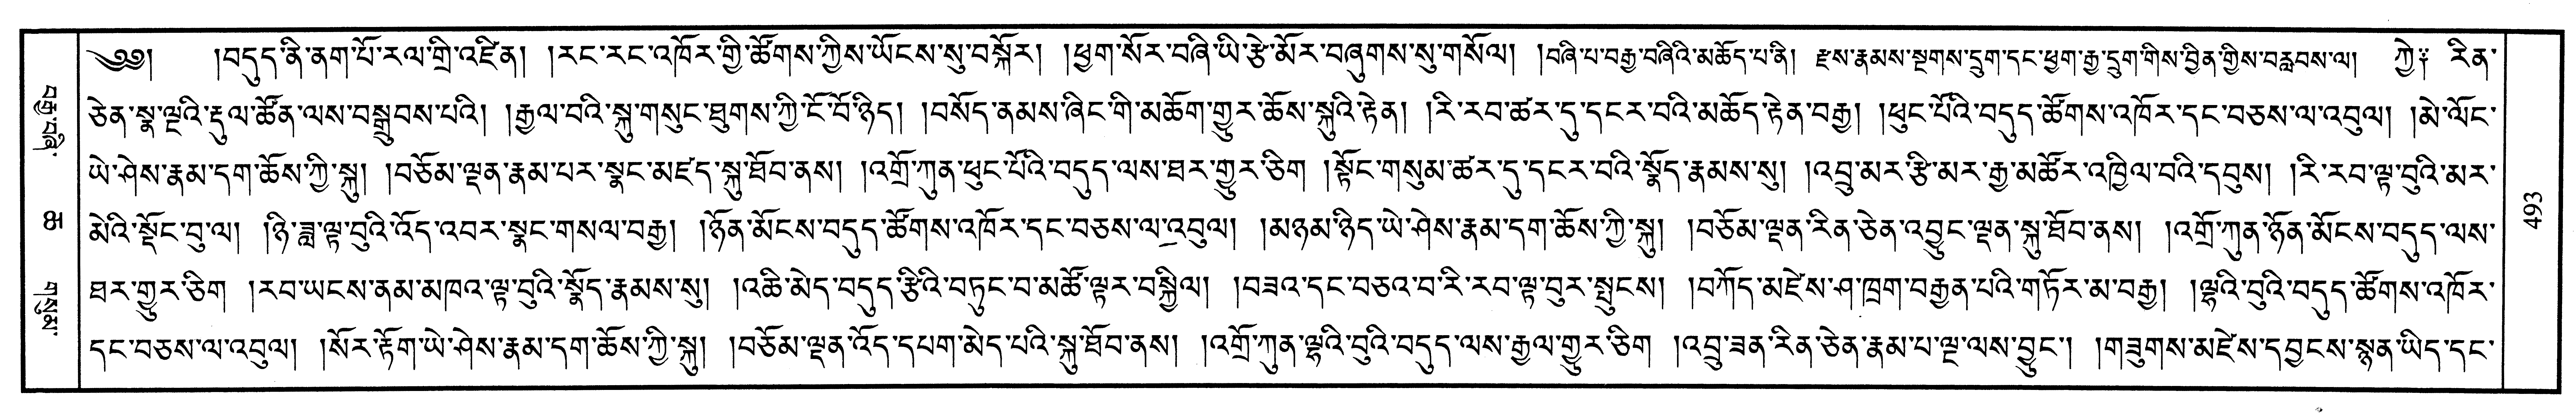༄༅། །བདུད་ནི་ནག་པོ་རལ་གྲི་འཛིན། །རང་རང་འཁོར་གྱི་ཚོགས་ཀྱིས་ཡོངས་སུ་བསྐོར། །ཕྱག་སོར་བཞི་ཡི་རྩེ་མོར་བཞུགས་སུ་གསོལ། །བཞི་པ་བརྒྱ་བཞིའི་མཆོད་པ་ནི། རྫས་རྣམས་སྔགས་དྲུག་དང་ཕྱག་རྒྱ་དྲུག་གིས་བྱིན་གྱིས་བརླབས་ལ། ཀྱེ༑ རིན་
ཅེན་སྣ་ལྔའི་རྡུལ་ཚོན་ལས་བསྒྲུབས་པའི། །རྒྱལ་བའི་སྐུ་གསུང་ཐུགས་ཀྱི་ངོ་བོ་ཉིད། །བསོད་ནམས་ཞིང་གི་མཆོག་གྱུར་ཆོས་སྐུའི་རྟེན། །རི་རབ་ཚར་དུ་དངར་བའི་མཆོད་རྟེན་བརྒྱ། །ཕུང་པོའི་བདུད་ཚོགས་འཁོར་དང་བཅས་ལ་འབུལ། །མེ་ལོང་
ཡེ་ཤེས་རྣམ་དག་ཆོས་ཀྱི་སྐུ། །བཅོམ་ལྡན་རྣམ་པར་སྣང་མཛད་སྐུ་ཐོབ་ནས། །འགྲོ་ཀུན་ཕུང་པོའི་བདུད་ལས་ཐར་གྱུར་ཅིག །སྟོང་གསུམ་ཚར་དུ་དངར་བའི་སྣོད་རྣམས་སུ། །འབྲུ་མར་རྩི་མར་རྒྱ་མཚོར་འཁྱིལ་བའི་དབུས། །རི་རབ་ལྟ་བུའི་མར་
མེའི་སྡོང་བུ་ལ། །ཉི་ཟླ་ལྟ་བུའི་འོད་འབར་སྣང་གསལ་བརྒྱ། །ཉོན་མོངས་བདུད་ཚོགས་འཁོར་དང་བཅས་ལ་འབུལ། །མཉམ་ཉིད་ཡེ་ཤེས་རྣམ་དག་ཆོས་ཀྱི་སྐུ། །བཅོམ་ལྡན་རིན་ཅེན་འབྱུང་ལྡན་སྐུ་ཐོབ་ནས། །འགྲོ་ཀུན་ཉོན་མོངས་བདུད་ལས་
ཐར་གྱུར་ཅིག །རབ་ཡངས་ནམ་མཁའ་ལྟ་བུའི་སྣོད་རྣམས་སུ། །འཆི་མེད་བདུད་རྩིའི་བཏུང་བ་མཚོ་ལྟར་བསྐྱིལ། །བཟའ་དང་བཅའ་བ་རི་རབ་ལྟ་བུར་སྤུངས། །བཀོད་མཛེས་ཤ་ཁྲག་བརྒྱན་པའི་གཏོར་མ་བརྒྱ། །ལྷའི་བུའི་བདུད་ཚོགས་འཁོར་
དང་བཅས་ལ་འབུལ། །སོར་རྟོག་ཡེ་ཤེས་རྣམ་དག་ཆོས་ཀྱི་སྐུ། །བཅོམ་ལྡན་འོད་དཔག་མེད་པའི་སྐུ་ཐོབ་ནས། །འགྲོ་ཀུན་ལྷའི་བུའི་བདུད་ལས་རྒྱལ་གྱུར་ཅིག །འབྲུ་ཟན་རིན་ཅེན་རྣམ་པ་ལྔ་ལས་བྱུང་། །གཟུགས་མཛེས་དབྱངས་སྙན་ཡིད་དང་